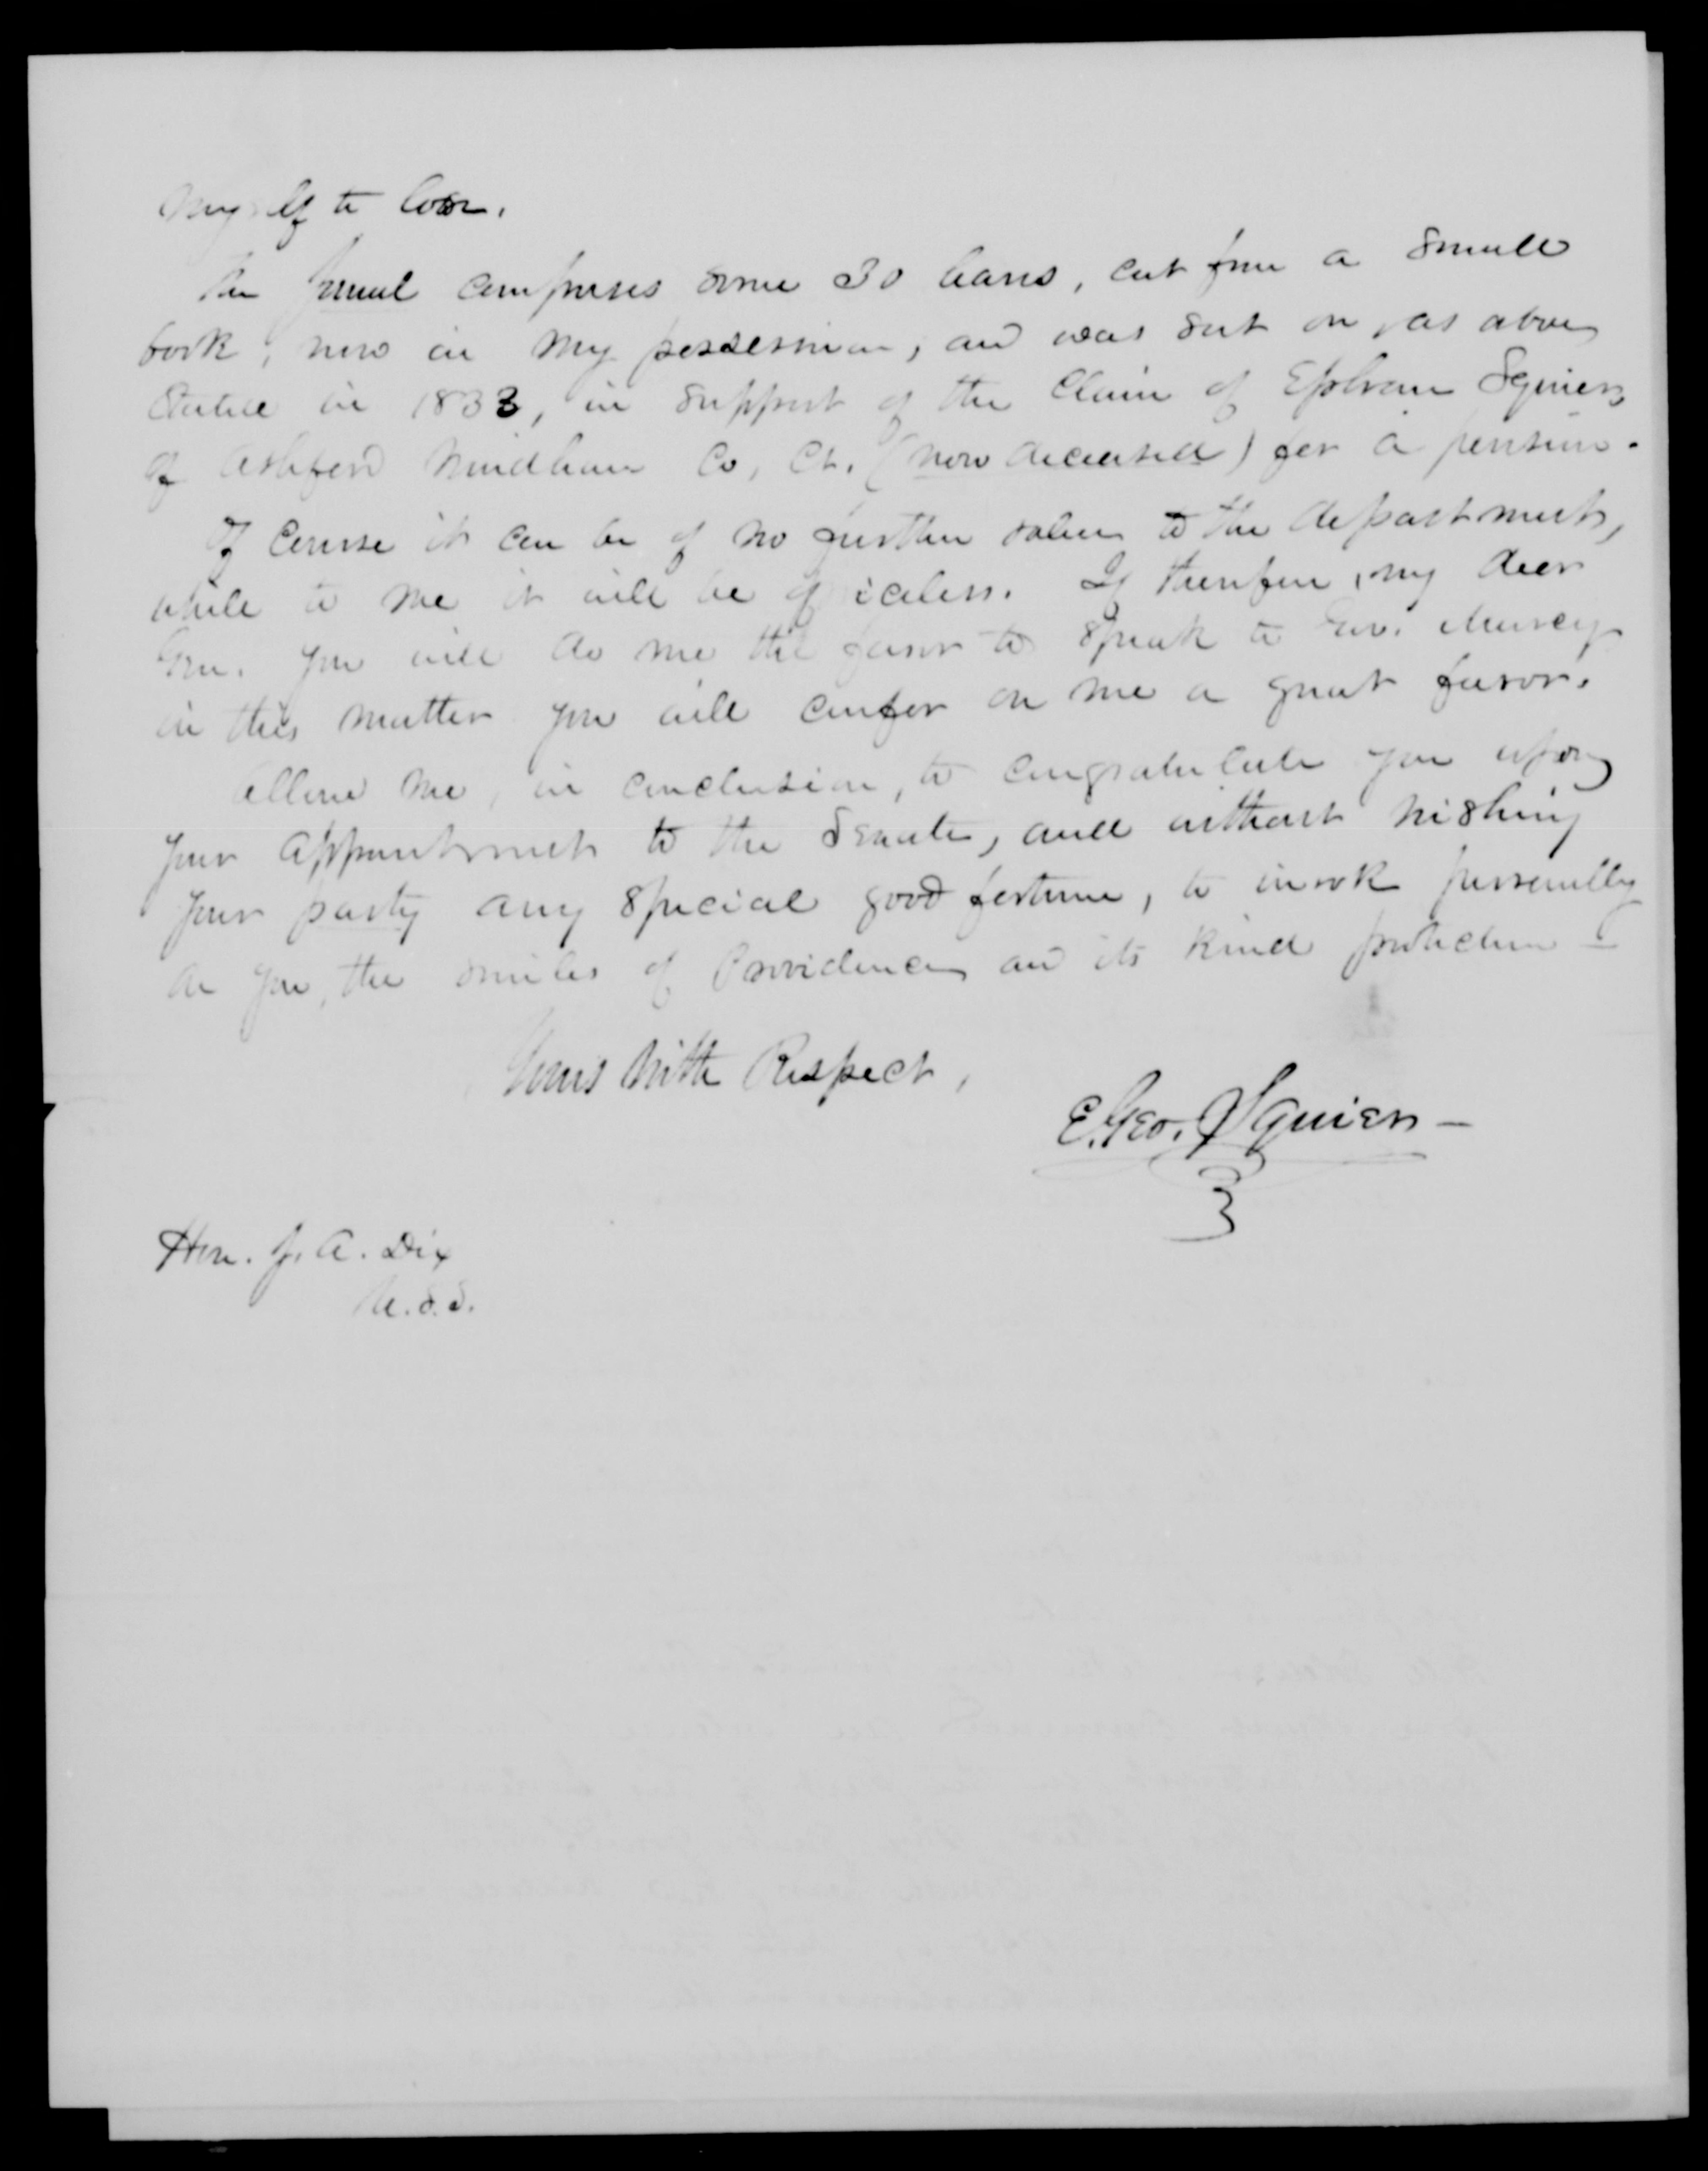Myself to [illegible]
The journal composes some 30 cans, cut from a small book, new in my possession, and was put on [illegible] above Statue in 1833, in support of the claim of Ephraim Squier, of Ashford Windham Co. Ct. (more [illegible] for a pension. 
Of course it can be of no further value to the department, while to me it will be of value. If therefore, my dear Sir. you will do me that favor to speak to Sir Murrey in this matter you will confer on me a great favor.
Allow me, in conclusion, to congratulate you [illegible] your appointment to the State, and without [illegible] your party any special good fortune, to work personally as you, the [illegible] of [illegible] and its kind powers.
Yours with Respect,
 E. Geo Squier 

Hon. J.A. Dix
N. S.S.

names: Ephran Squier; J A Dix; E Geo Squier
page: 60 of 70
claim: rejected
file: R. 10,026, for Ephraim Squier, Connecticut